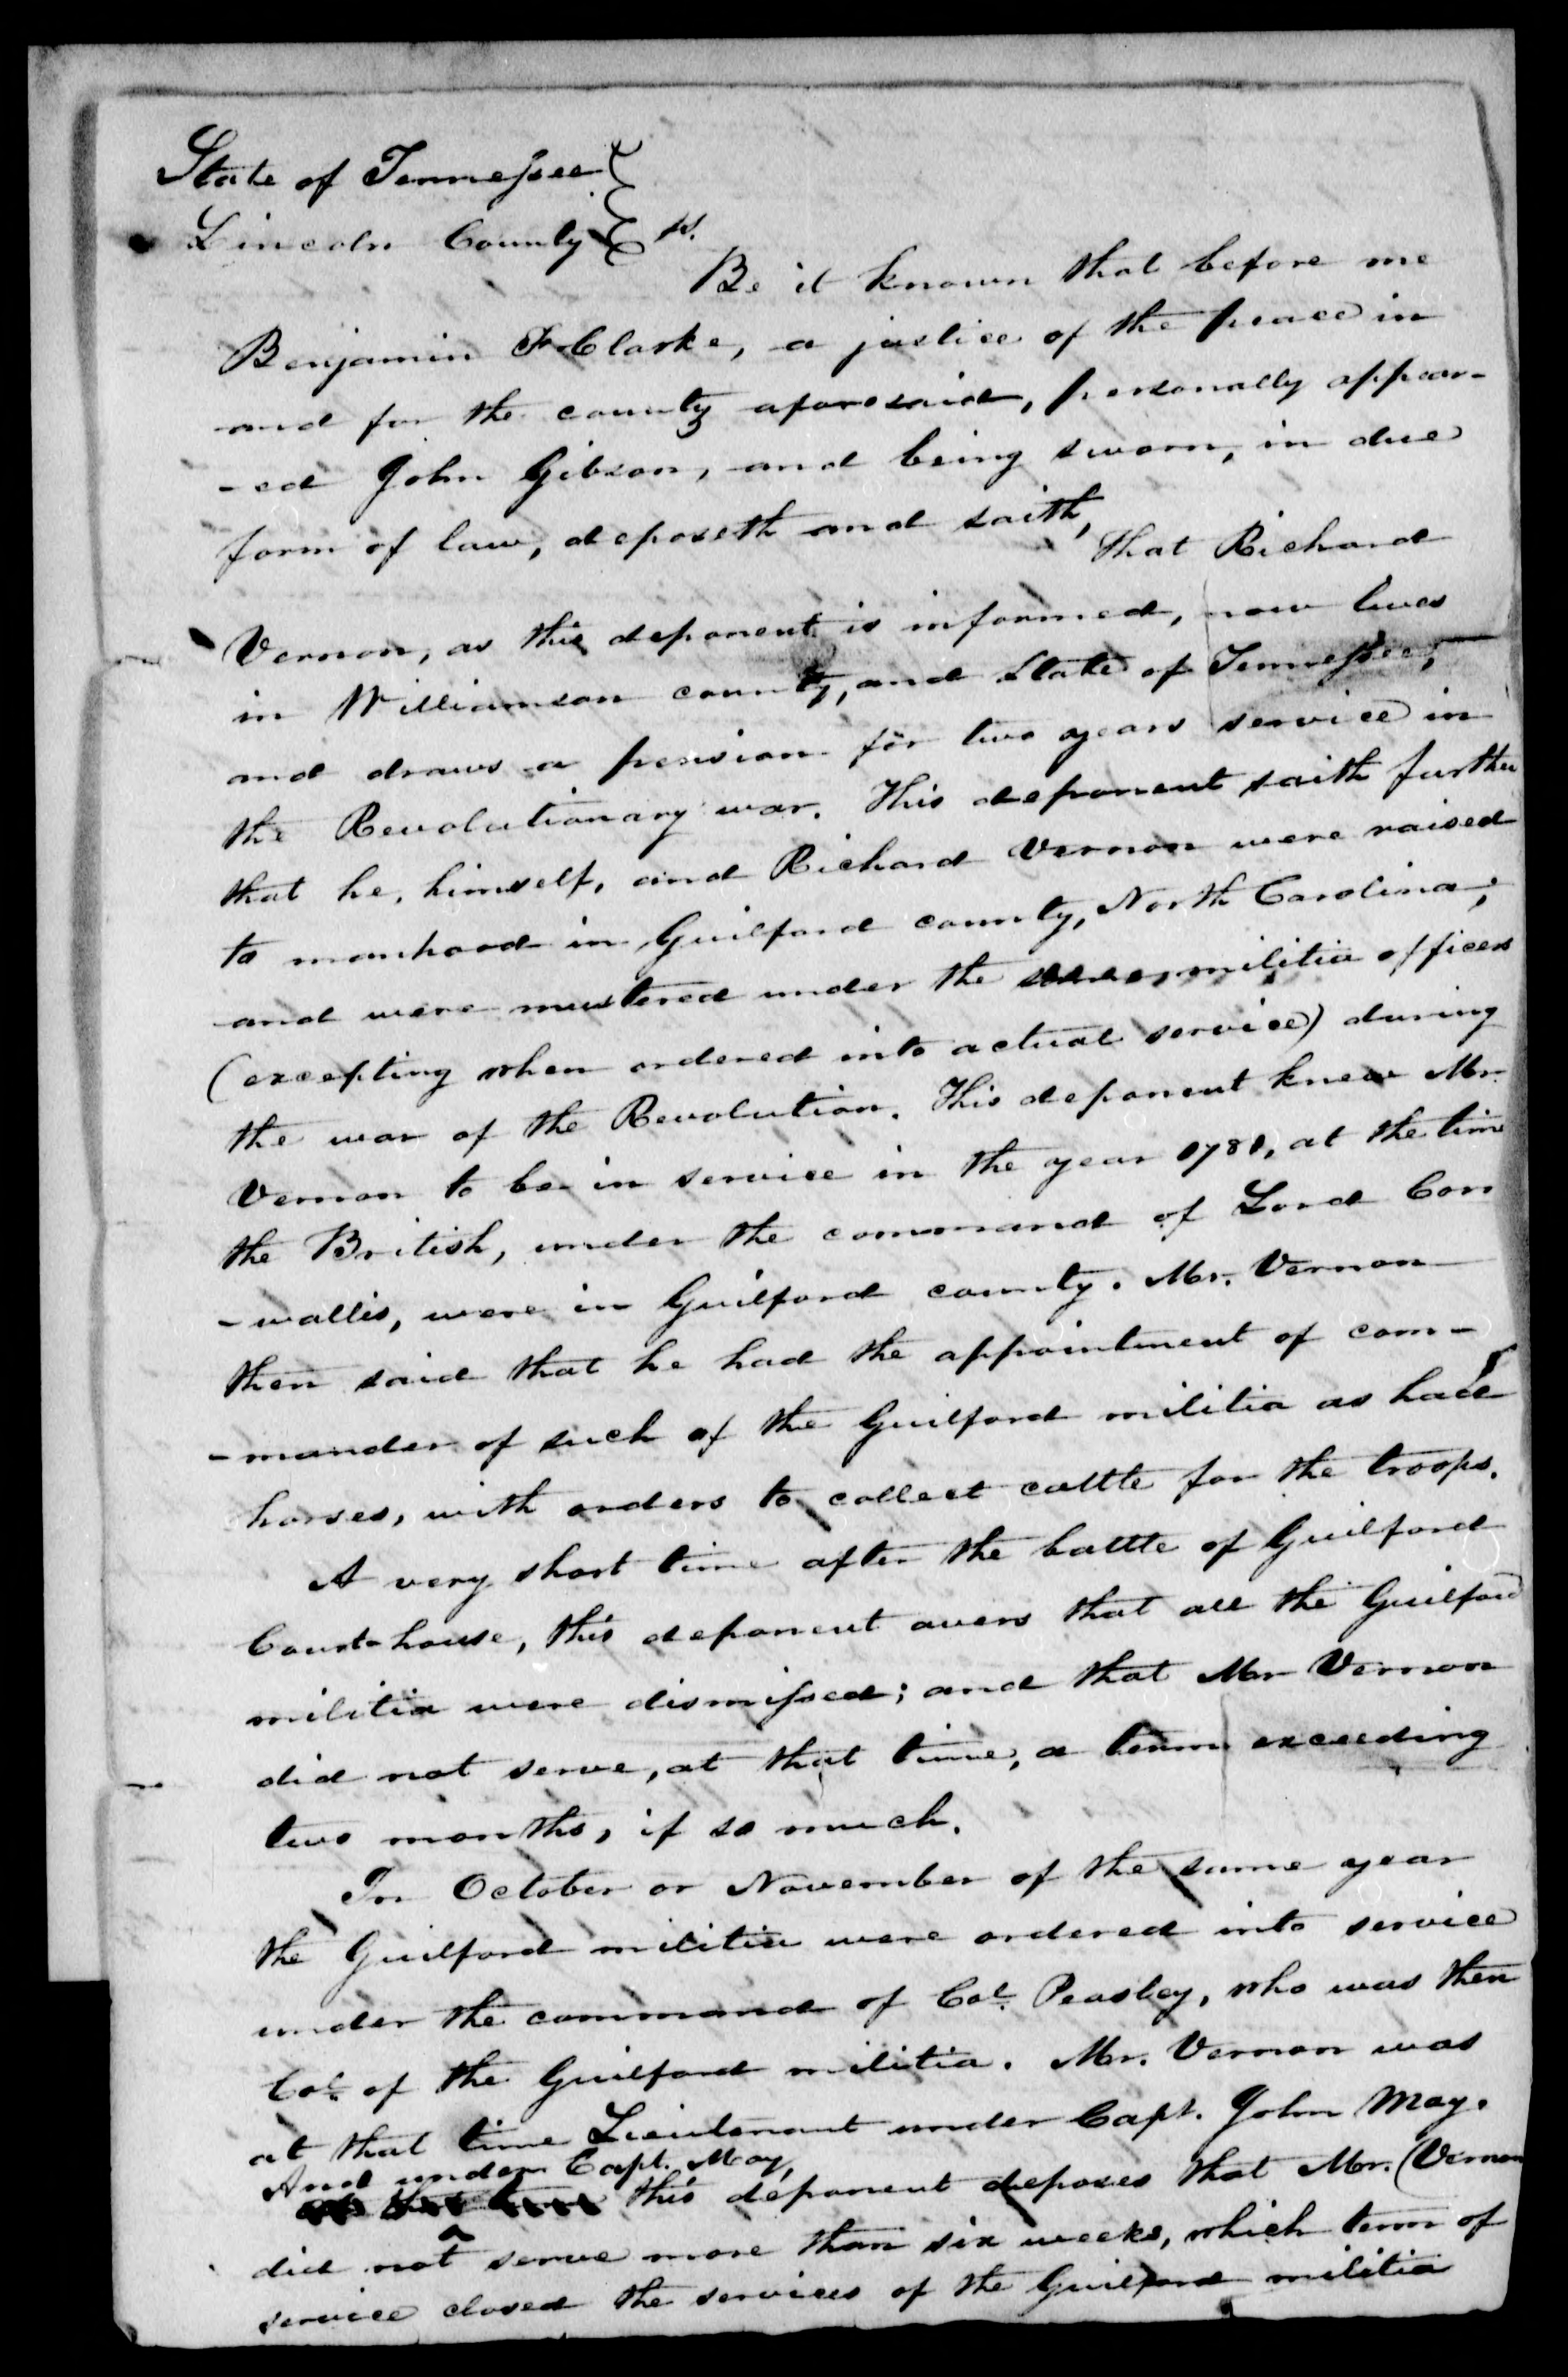State of Tennessee}
Lincoln County} SS.

Be it known that before me Benjamin F. Clarke, a justice of the peace in and for the county aforesaid, personally appeared John Gibson, and being sworn, in due form of law, deposeth and saith,
That Richard Vernon, as this deponent is informed, now lives in Williamson county, and State of Tennessee, and draws a pension for two years service in the Revolutionary war.  This deponent saith further that he, himself, and Richard Vernon were raised to manhood in Guildford county, North Carolina; and were mustered under the militia officers (excepting when ordered into actual services) during the war of the Revolution. This deponent knew Mr. Vernon to be in service in the  year 1780, at the time the British, under the command of Lord Cornwallis, were in Guilford county. Mr. Vernon then said that he had the appointment of commander of such o the Guilford militia as pack horses, with orders to collect cattle for the troops.  A very short time after the battle of Guilford Court-house, this deponent avers that all the Guilford militia were dismissed; and that Mr. Vernon did not serve, at that time, a time exceeding two months, if so much.
In October or November of the same year the Guilford militia were ordered into  service under the command of Col. Peasley, who was then Col. of the Guilford militia.  Mr. Vernon was at that time Lieutenant under Capt. John May. And under Capt. May this deponent deposes that Mr. Vernon did not serve more than six weeks, which term of service closed the services of the Guilford militia.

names: Peasley, Vernon, Richard Vernon, John May, Benjamin F Clarke, John Gibson, May, Richard Vernon, Vernon, Cornwallis, Vernon, Vernon, Vernon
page: 51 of 105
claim: survivor's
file: S. 1883, Richard Vernon, N.C.